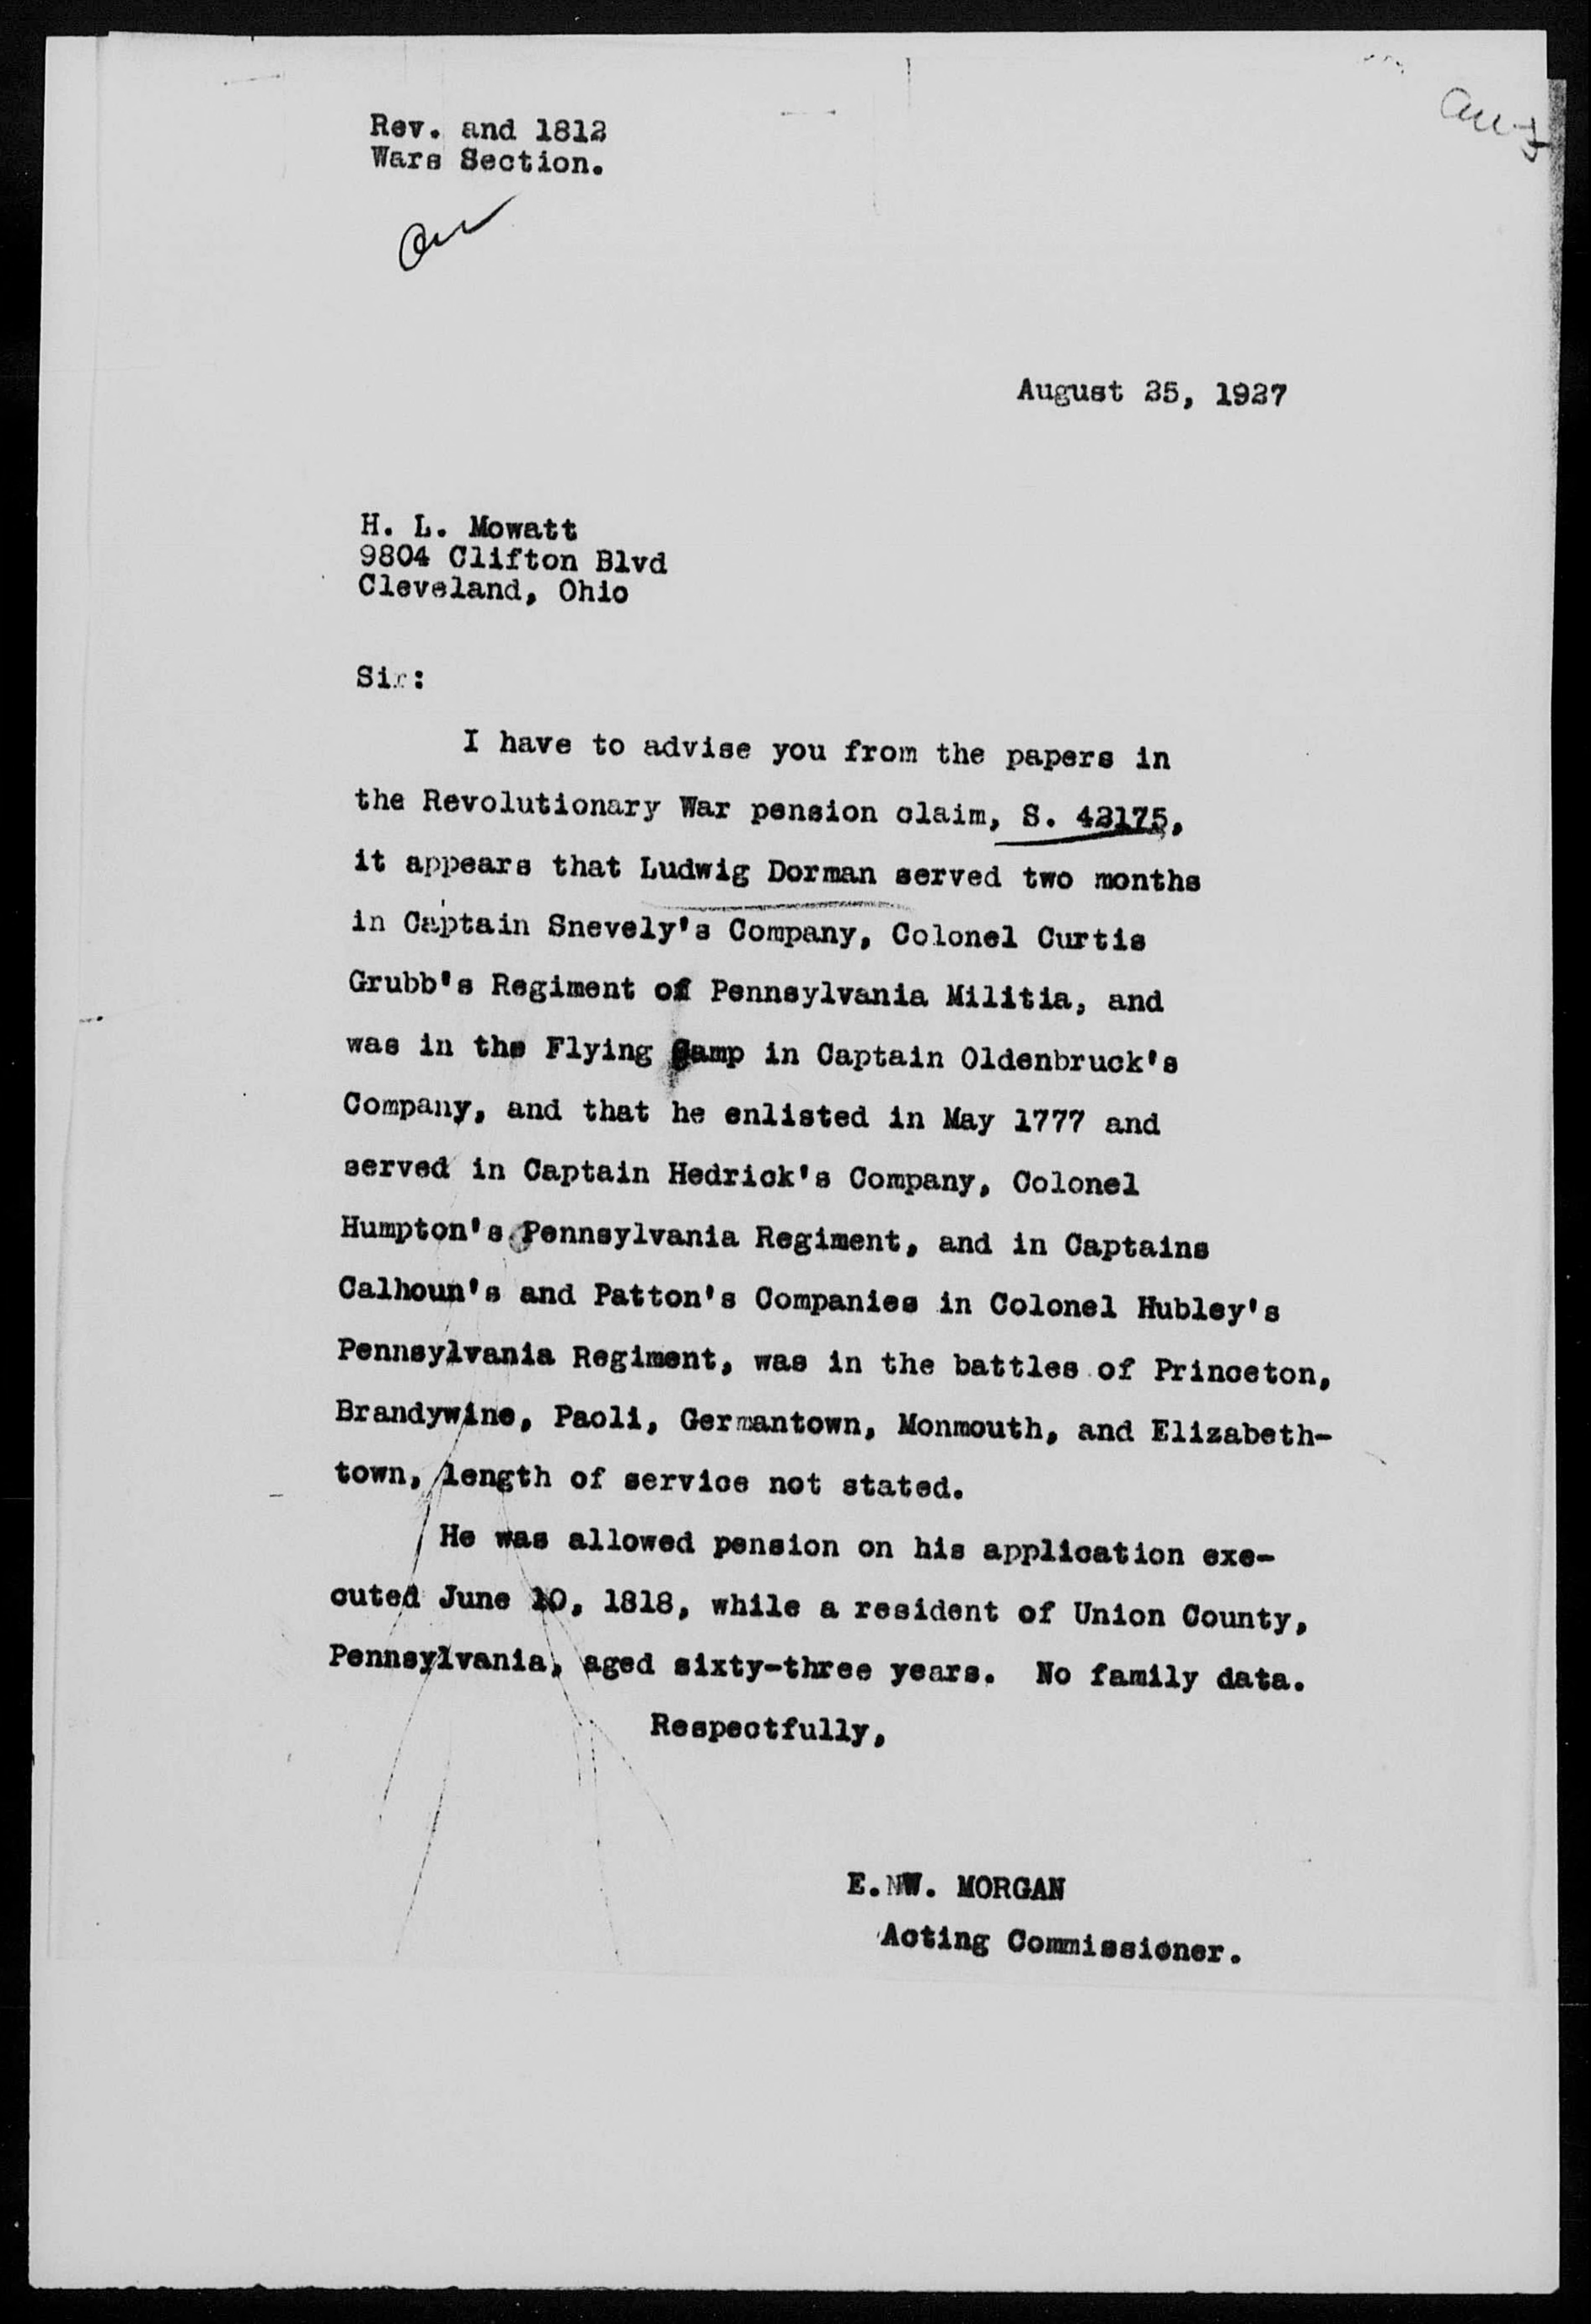Rev. and 1812
Wars Section.
OWR
August 25, 1927
H.L. Mowatt
9804 Clifton Blvd
Cleveland, Ohio

Sir:
I have to advise you from the papers in the Revolutionary War pension claim, S. 42175, it appears that Ludwig Dorman served two months in Captain Snevely's Company, Colonel Curtis Grubb's Regiment of Pennsylvania Militia, and was in the Flying Camp in Captain Oldenbruck's Company, and that he enlisted in May 1777 and served in Captain Hedrick's Company, Colonel Humpton's Pennsylvania Regiment, was in the battles of Princeton, Brandywine, Paoli, Germantown, Monmouth, and Elizabethtown, length of service not stated.
He was allowed pension on his application executed June 10, 1818, while a resident of Union County, Pennsylvania, aged sixty-three years. No family data.
Respectfully,
E. W. Morgan
Acting Commissioner.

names: H L Mowatt, Ludwig Dorman, E W Morgan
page: 5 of 16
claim: survivor's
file: S. 42,175, Ludwig Dorman, Penn.